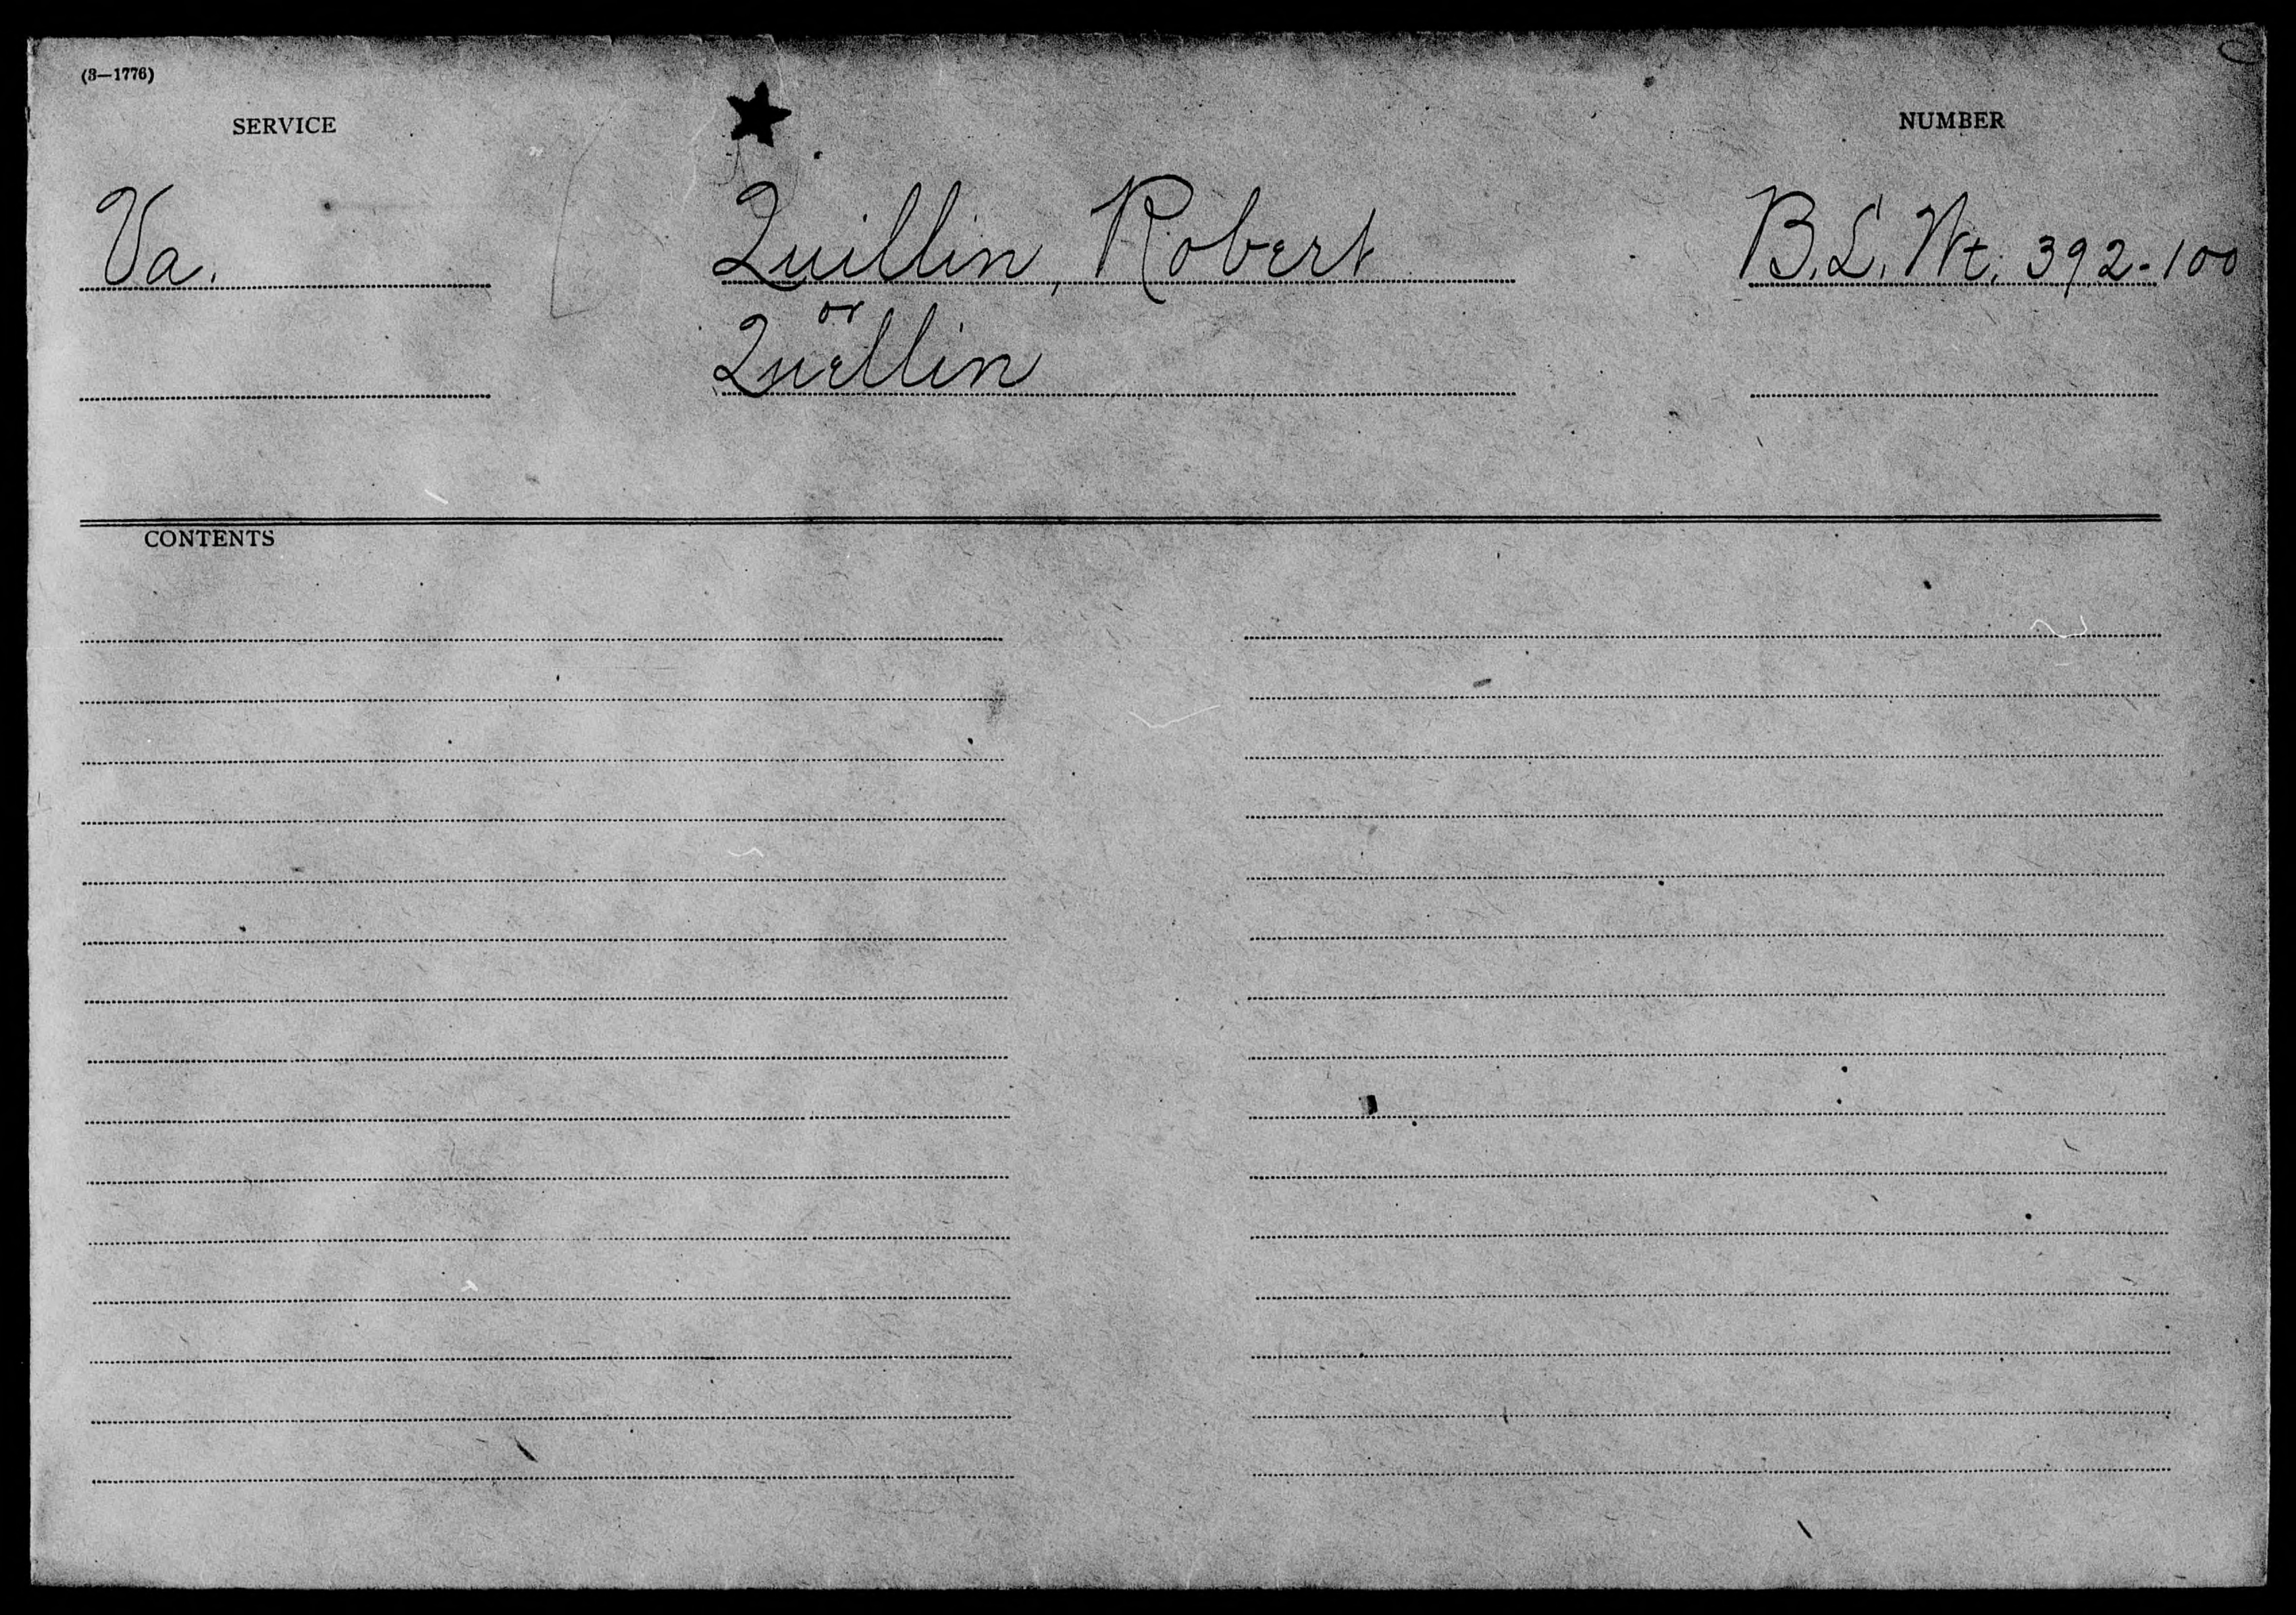(3-1776)

SERVICE 
Va.

Quillin, Robert
or Quellin

NUMBER
B.L.Wt. 392-100

CONTENTS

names: Robert Quellin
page: 1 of 12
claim: bounty land warrant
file: B. L. Wt. 392-100, for Robert Quillin, Virginia